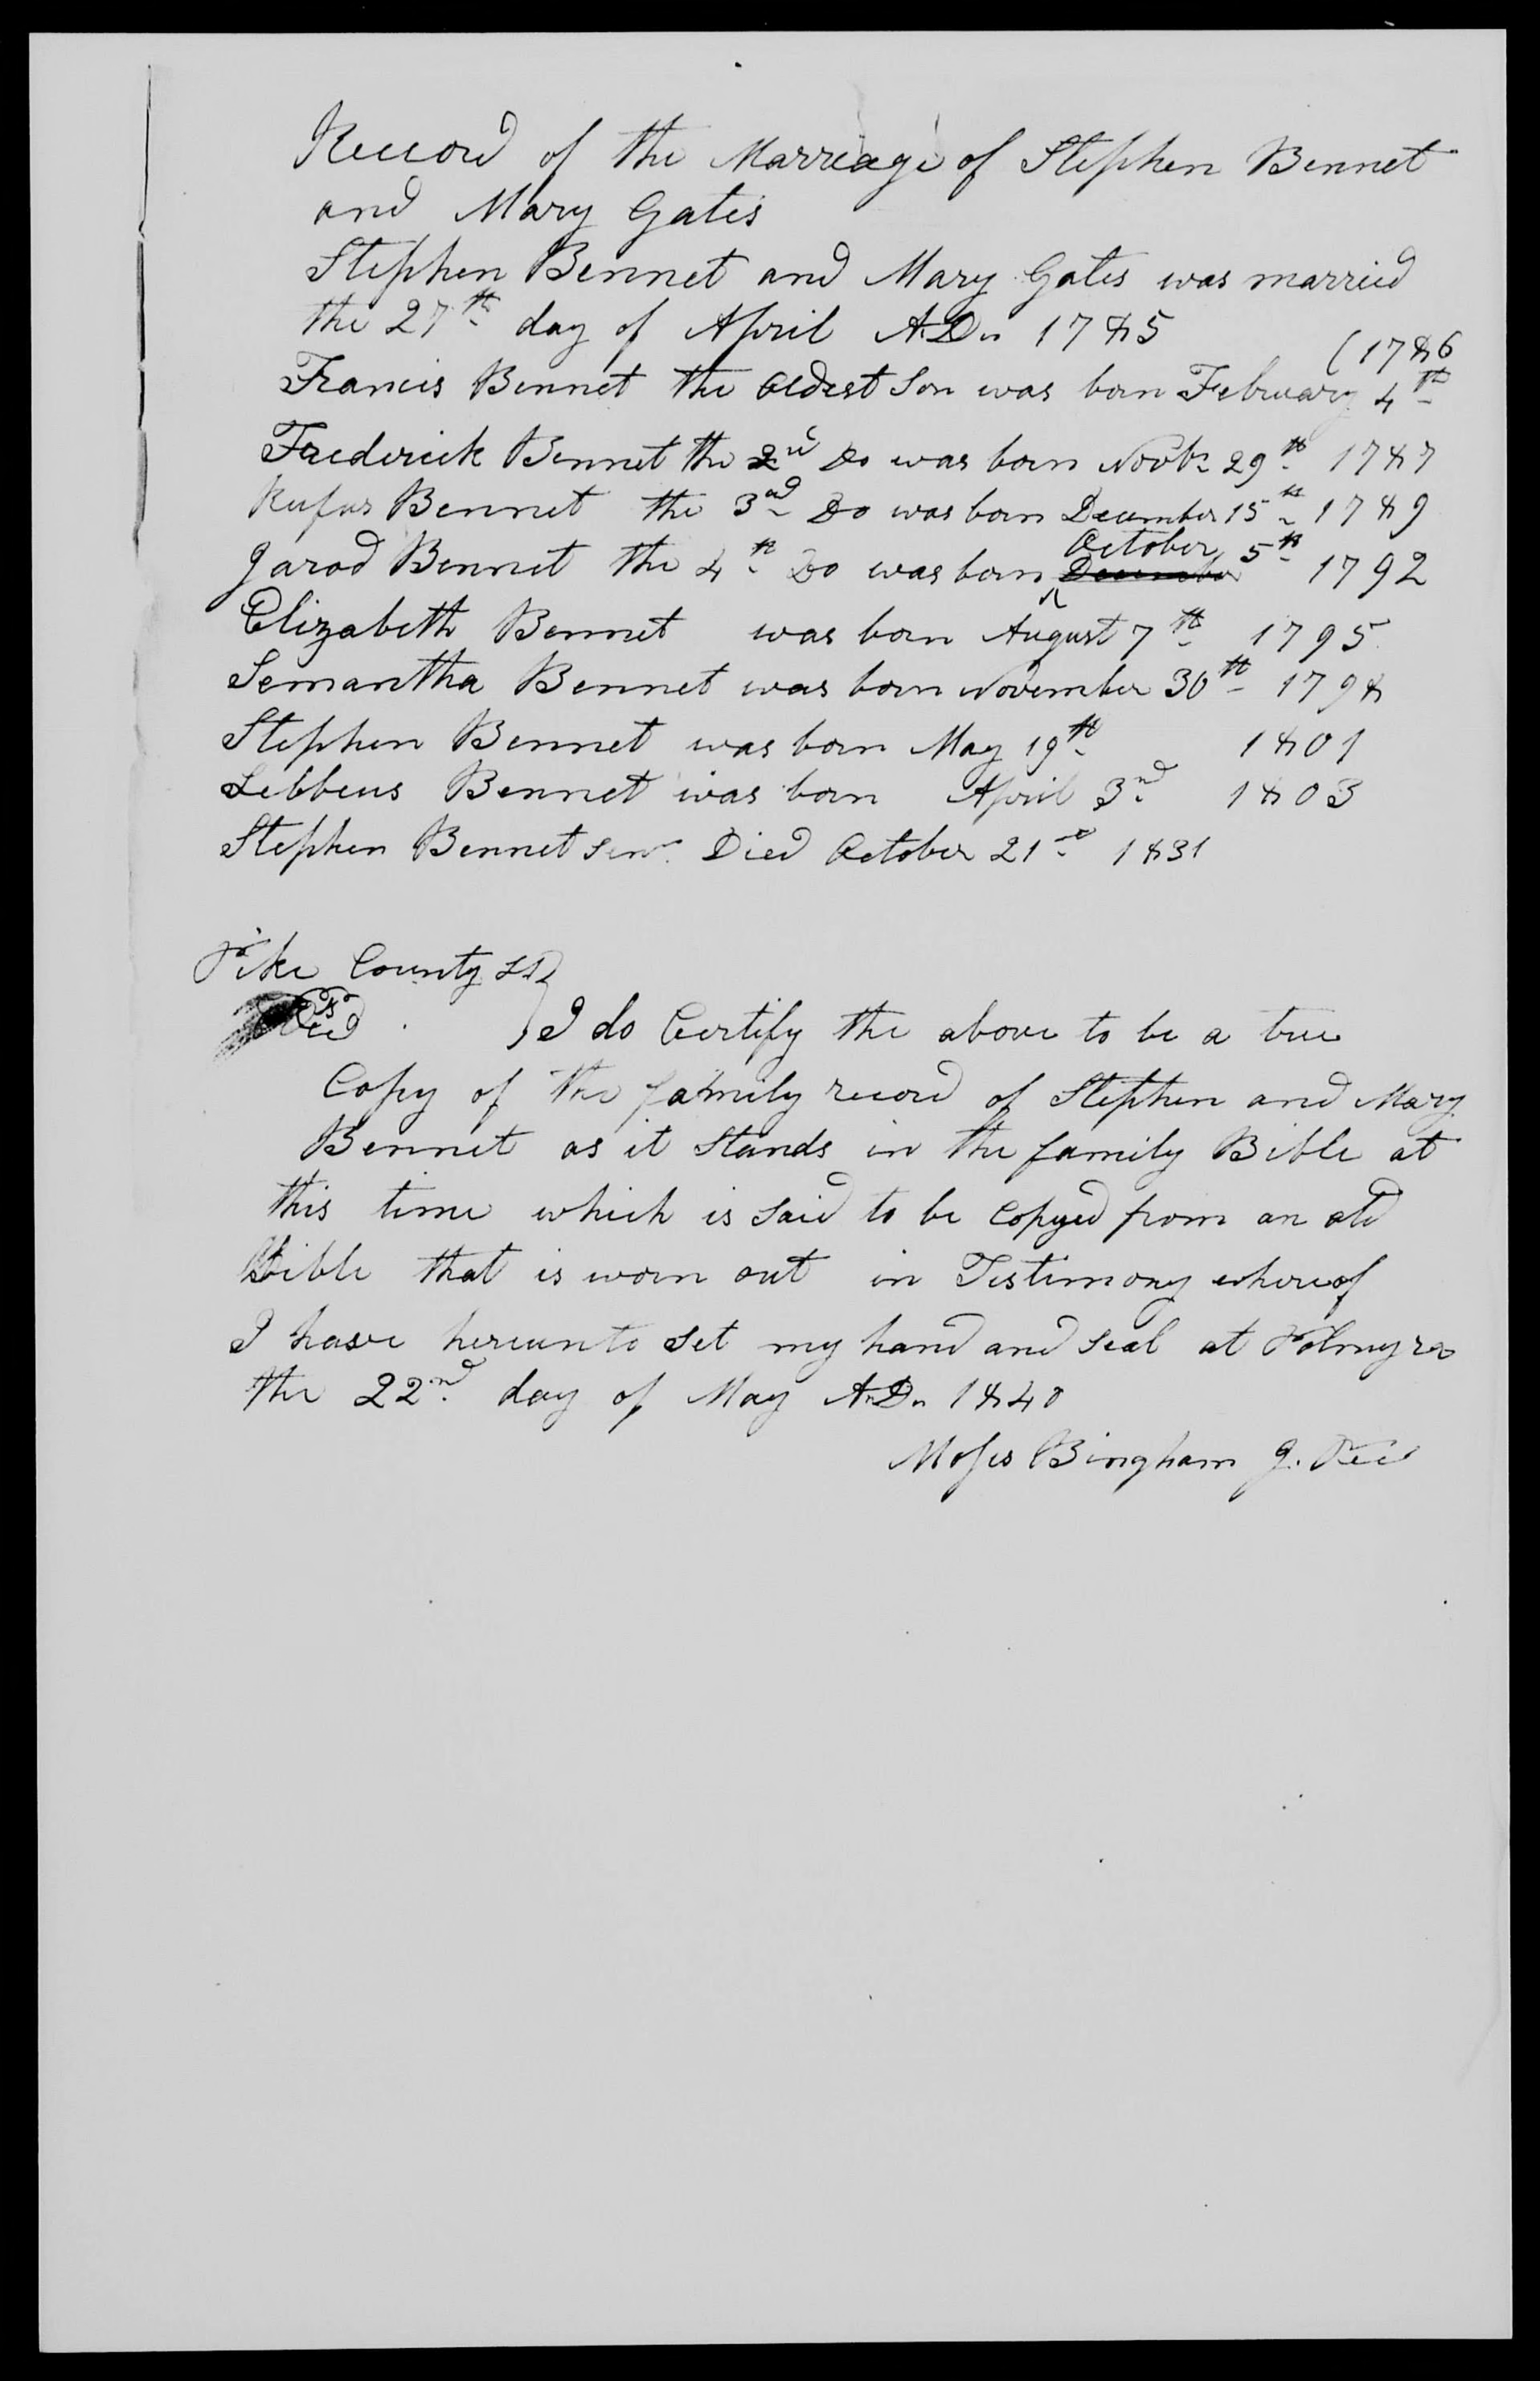Record of the marriage of Stephen Bennet and Mary Gates 
Stephen Bennet and Mary Gates was married the 27th day of April A.D. in 1795
Francis Bennet the oldest Son was born February 4th (1786
Frederick Bennet the 2nd So was born November 29th 1787 Rufus Bennet the 3rd So was born December 15th 1789 Jarod Bennet the 4th So was born October 5th 1792. Elizabeth Bennet was bord August 7th 1795 Semantha Bennet was born November 30th 1798 Stephen Bennet was born May 19th 1801 Lebbens Bennet was born April 3rd 1803 
Stephen Bennet (illegible) Died October 21 1831

Pike County (illegible) I do Certify the above to be a true copy of the family record of Stephen and Mary Bennet as it stands in the family Bible at this time which is said to be copyed from an old Bible that is worn out in Testimony whereof I have hereunto set my hand and seal at (illegible) the 22nd day of May A.D. 1840 Moses Bingham J. Peace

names: Francis Bennet, Elizabeth Bennet, Stephen Bennet, Mary Gates, Stephen Bennet, Stephen Bennet, Stephen Bennet, Stephen Bennet, Mary Bennet, Moses Bingham, Mary Gates, Rufus Bennet, Lebbens Bennet, Frederick Bennet, Semantha Bennet, Jarod Bennet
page: 8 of 79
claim: widow's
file: W. 2,906, Stephen Bennet, Conn.